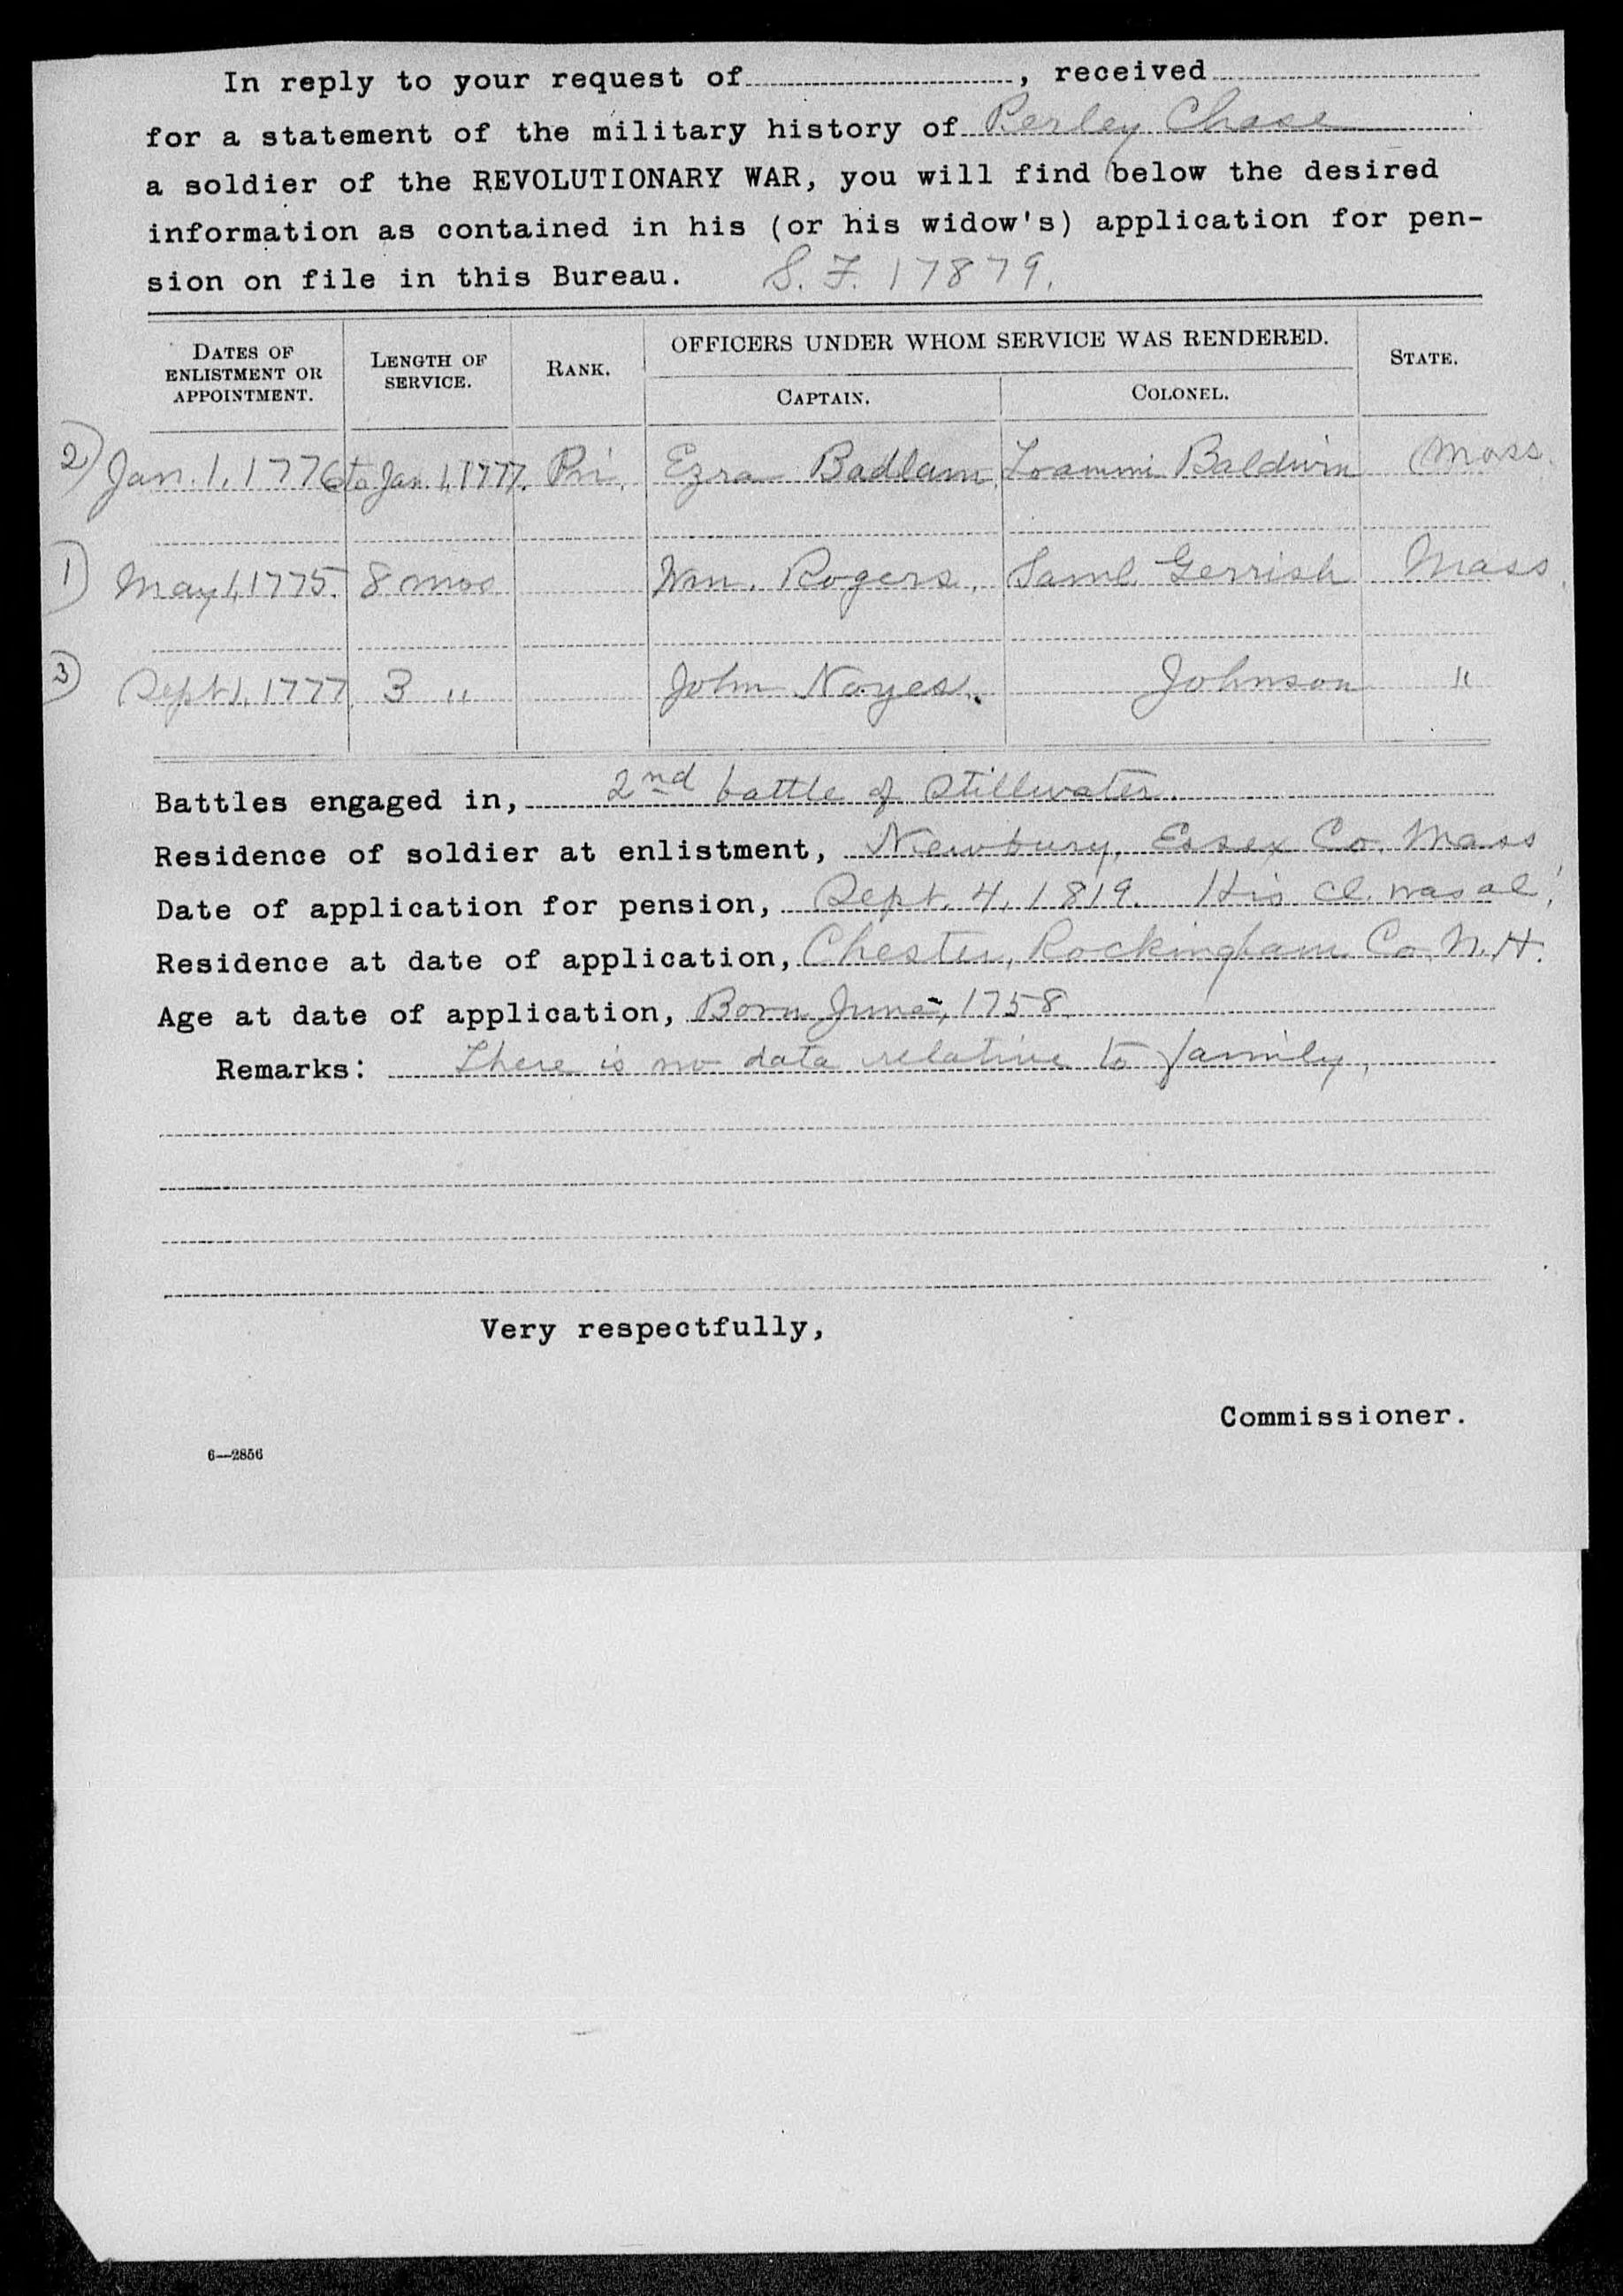In reply to your request of (blank) received (blank)
for a statement of the military history of Perley Chase
soldier of the REVOLUTIONARY WAR, you will find below the desired
information as contained in his (or his widow's) application for pension
on file in this Bureau. S.F. 17879
(chart)
DATES OF
ENLISTMENT OR
APPOINTMENT. and LENGTH OF SERVICE
2) Jan. 1, 1776 to Jan. 1, 1777
1) May 1, 1775 -8 mos.
3) Sept. 1, 1777-3 mos

RANK.
Pri

OFFICERS UNDER WHOM SERVICE WAS RENDERED.
CAPTAIN.
Ezra Badlam
Wm. Rogers
John Noyes
COLONEL.
Loammi Baldwin
Sam'L Gerrish
Johnson

STATE.  Mass. (all three)
Battles engaged in, 2nd Battle of Stillwater
Residence of soldier at enlistment, Newbury, Essex Co, Mass.
Date of application for pension, Sept 4, 1819. His cl. was al:
Residence at date of application, Chester, Rockingham Co. N.H.
Age at date of application, Born June, 1758
Remarks: There is no data relative to family

Very respectfully,

Commissioner.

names: Wm Rogers, Loammi Baldwin, Perley Chase, Ezra Badlam, Johnson, Saml Gerrish, John Noyes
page: 7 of 24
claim: survivor's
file: S. 17879, Perley Chase, Continental Mass.